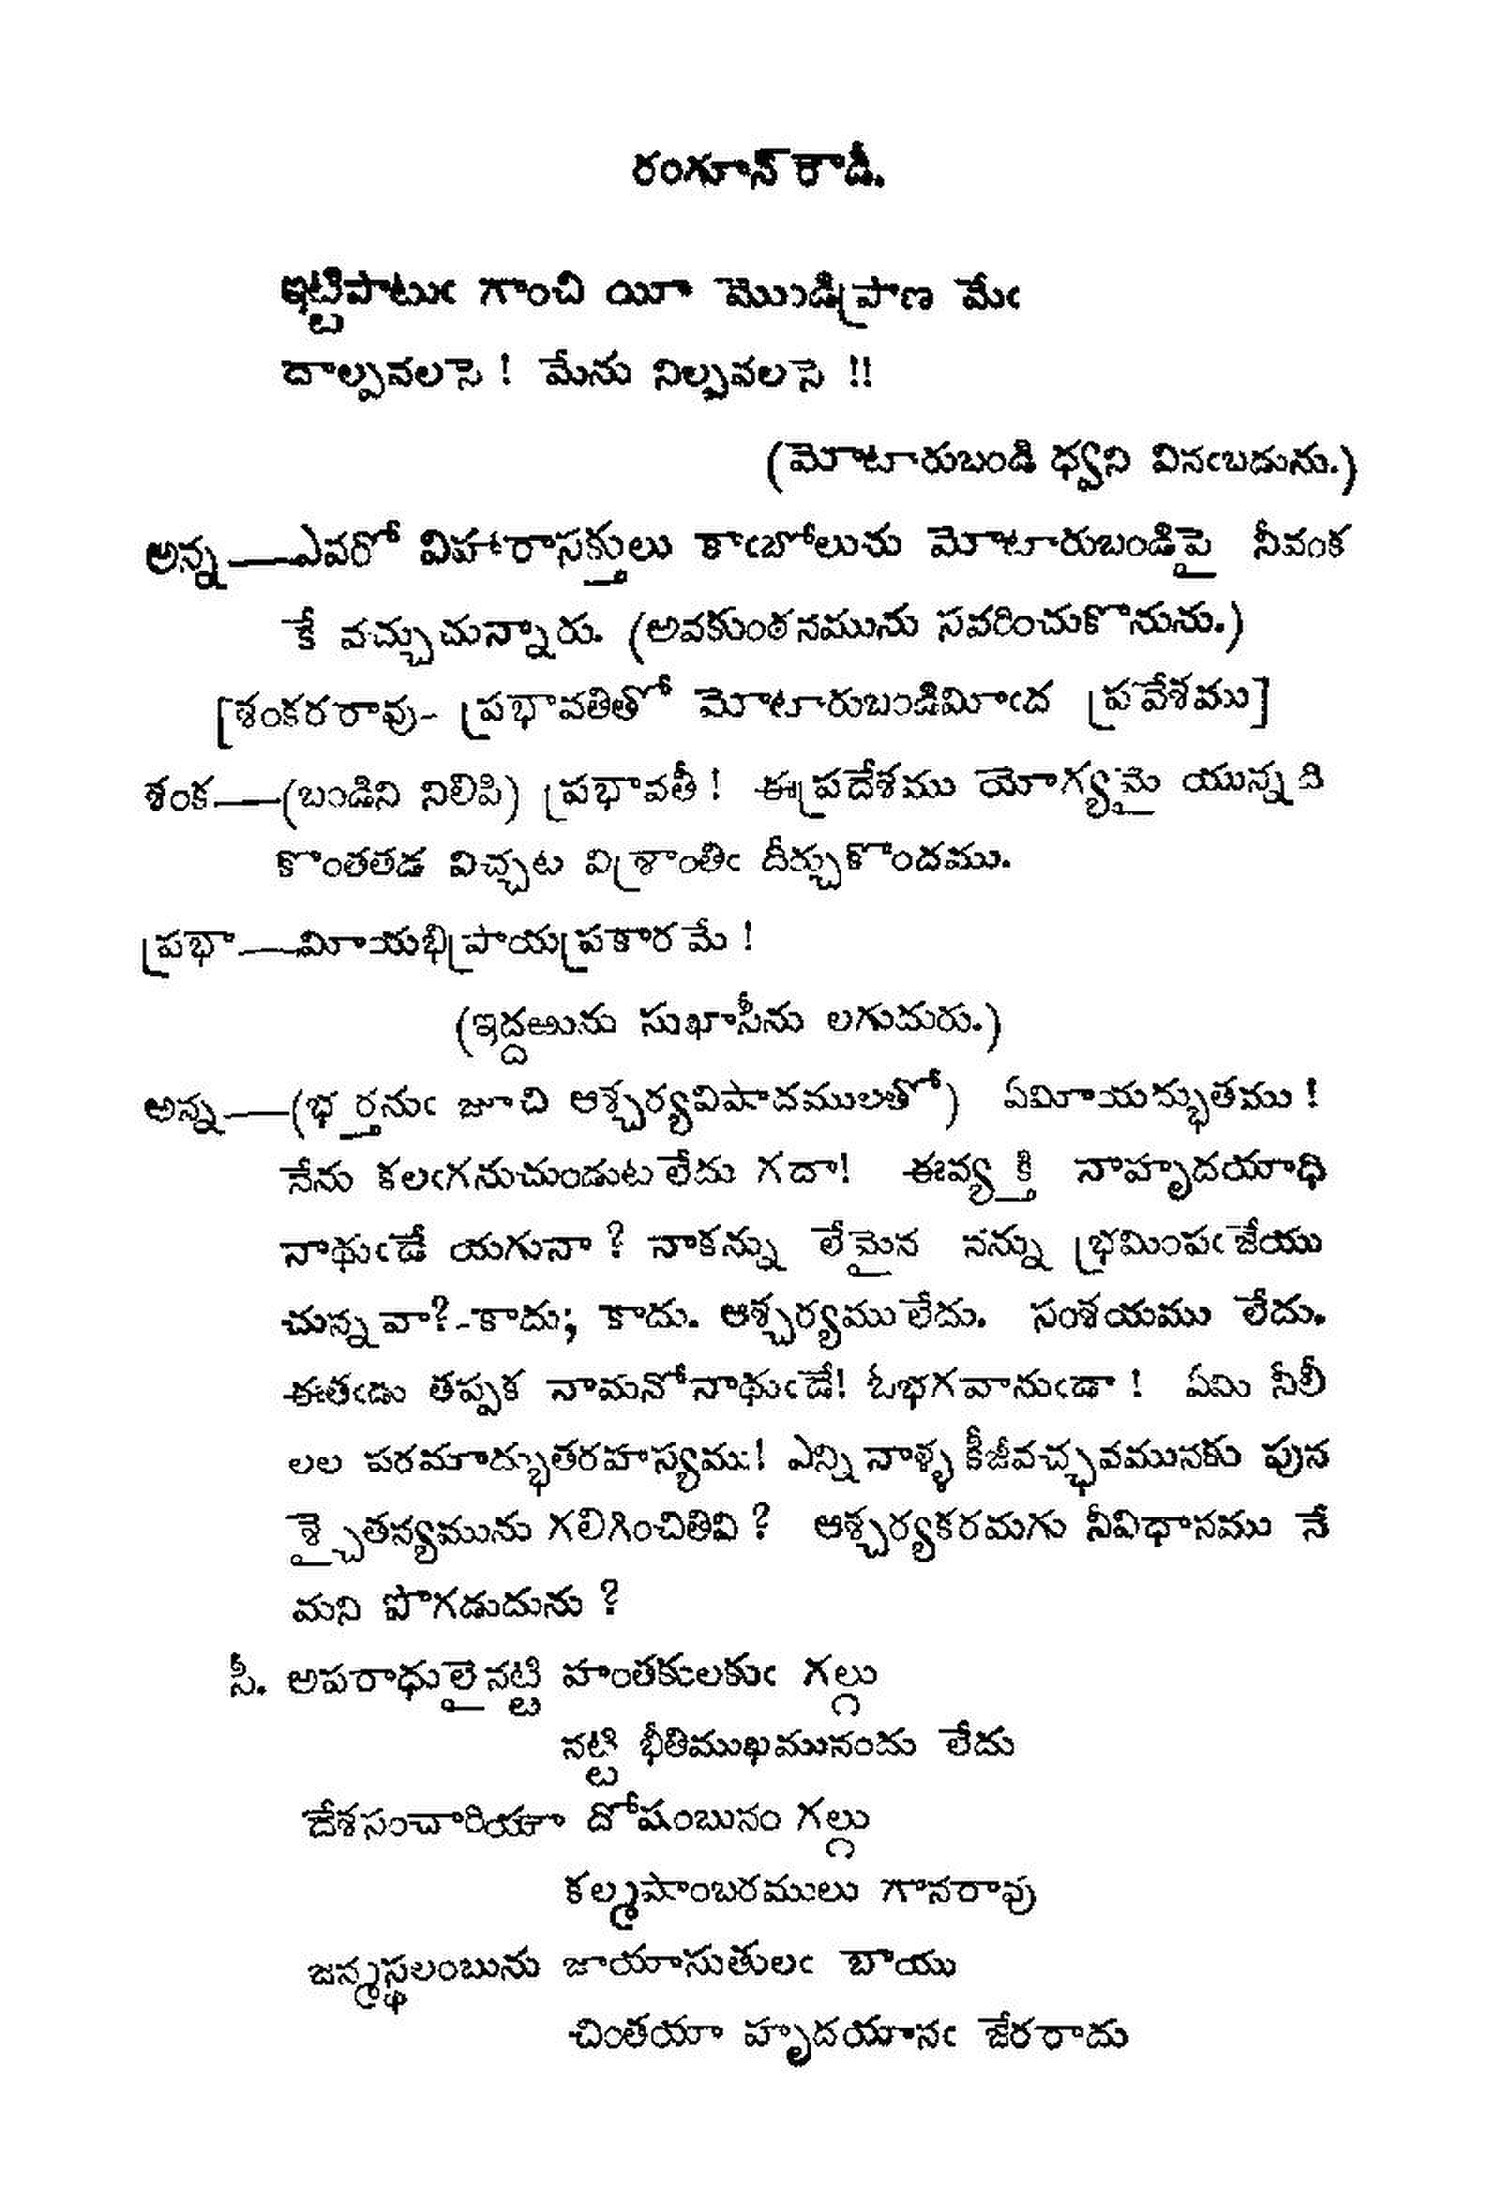ఇట్టిపాటుఁ గాంచి యీ మొండిప్రాణ మేఁ
 దాల్పవలసె ! మేను నిల్పవలసె !!

అన్న - ఎవరో విహారాసక్తులు కాఁబోలును మోటారుబండిపై నీవంక కే వచ్చుచున్నారు. (అవకుంఠనమును సవరించుకొనును.)

శంక - (బండిని నిలిపి) ప్రభావతీ ! ఈప్రదేశము యోగ్యమై యున్నది కొంతతడ విచ్చట విశ్రాంతిఁ దీర్చుకొందము.

ప్రభా - మీయభిప్రాయప్రకారమే !

అన్న — (భర్తనుఁ జూచి ఆశ్చర్యవిషాదములతో) ఏమీయద్భుతము ! నేను కలఁగనుచుండుటలేదు గదా! ఈవ్యక్తి నాహృదయాధి నాథుఁడే యగునా ? నాకన్ను లేమైన నన్ను భ్రమింపఁజేయు చున్నవా? కాదు; కాదు. ఆశ్చర్యములేదు. సంశయము లేదు. ఈతఁడు తప్పక నామనోనాథుఁడే! ఓభగవానుఁడా! ఏమి నీలీలల పరమాద్భుతరహస్యము ! ఎన్నినాళ్ళకీజీవచ్ఛవమునకు పునశ్చతన్యమును గలిగించితివి ? ఆశ్చర్యకరమగు నీవిధానము నేమని పొగడుదును?

సీ. అపరాధులైనట్టి హంతకులకుఁ గల్గు
 నట్టి భీతిముఖమునందు లేదు
 దేశసంచారియౌ దోషంబునం గల్గు
 కల్మషాంబరములు గానరావు
 జన్మస్థలంబును జాయాసుతులఁ బాయు
 చింతయా హృదయానఁ జేరరాదు